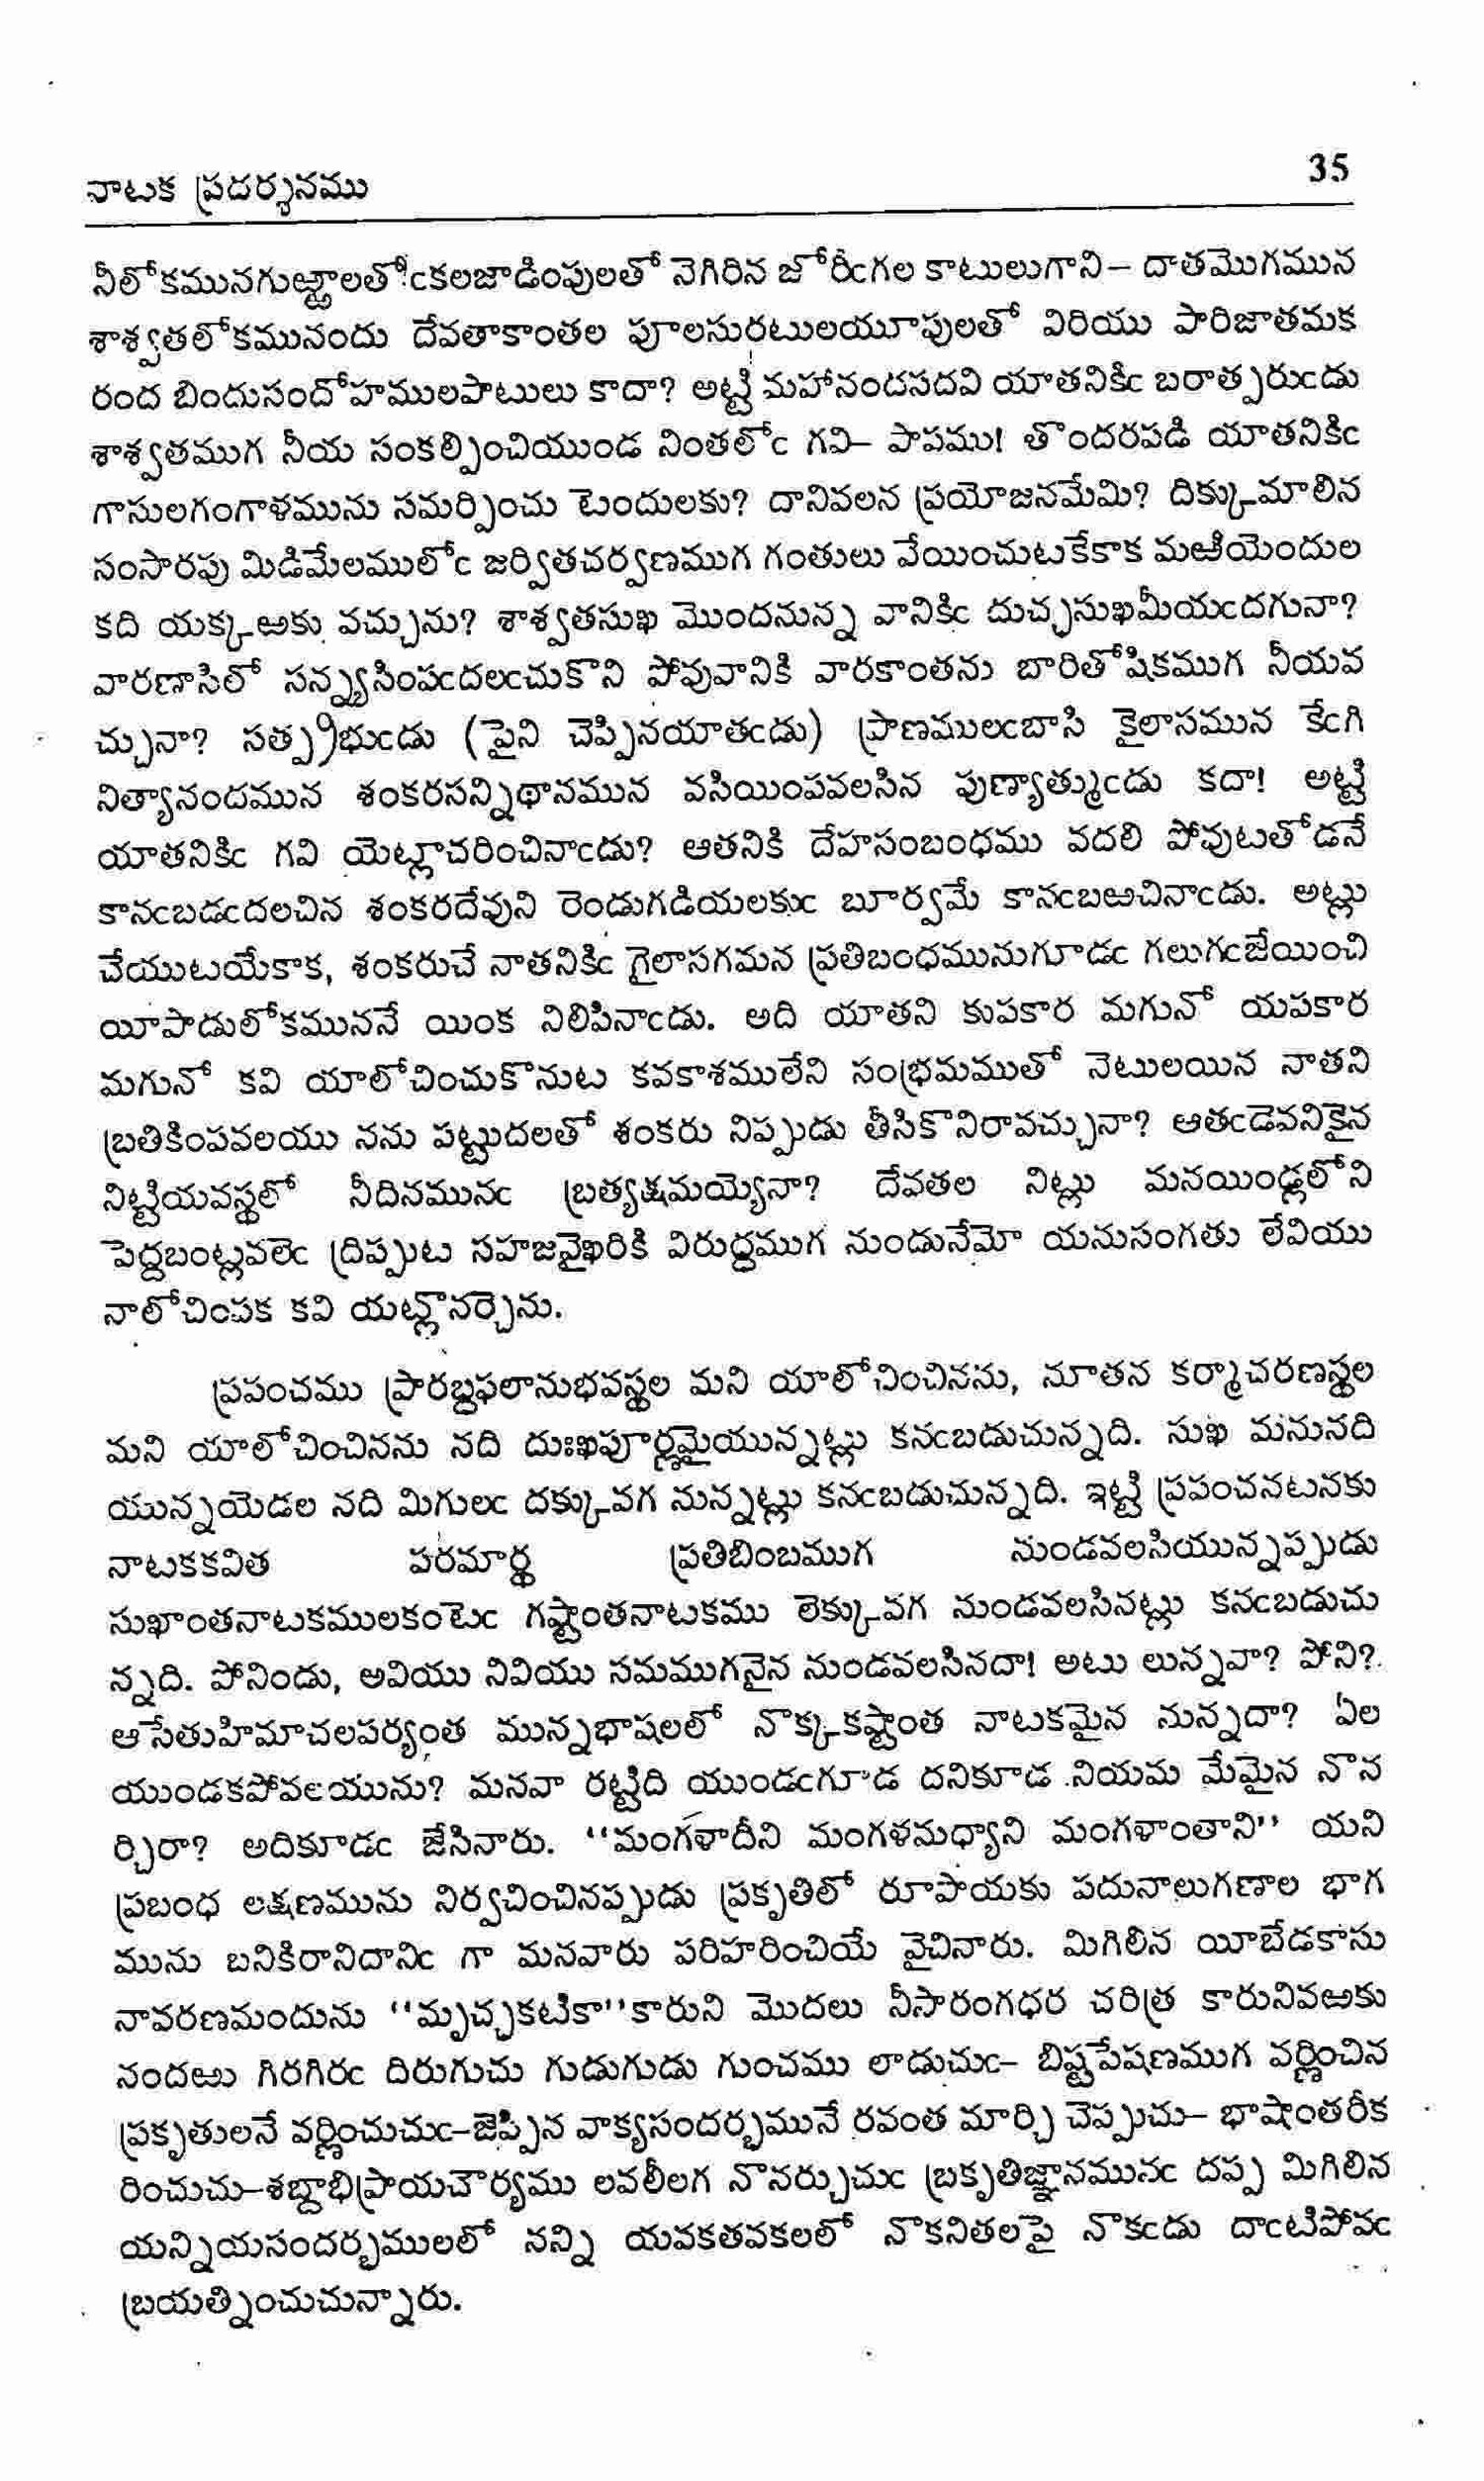నీలోకమునగుఱ్ఱాలతోఁకలజాడింపులతో నెగిరిన జోరీఁగల కాటులుగాని — దాతమొగమున
శాశ్వతలోకమునందు దేవతాకాంతల పూలసురటులయూపులతో విరియు పారిజాతమకరంద బిందుసందోహములపాటులు కాదా? అట్టి మహానందసదవి యాతనికిఁ బరాత్పరుఁడు
శాశ్వతముగ నీయ సంకల్పించియుండ నింతలోఁ గవి— పాపము! తొందరపడి యాతనికిఁ
గాసులగంగాళమును సమర్పించు టెందులకు? దానివలన ప్రయోజనమేమి? దిక్కుమాలిన
సంసారపు మిడిమేలములోఁ జర్వితచర్వణముగ గంతులు వేయించుటకేకాక మఱియెందుల
కది యక్కఱకు వచ్చును? శాశ్వతసుఖ మొందనున్న వానికిఁ దుచ్ఛసుఖమీయఁదగునా?
వారణాసిలో సన్న్యసింపఁదలఁచుకొని పోవువానికి వారకాంతను బారితోషికముగ నీయవచ్చునా? సతీలుఁడు (పైని చెప్పినయాతఁడు) ప్రాణములఁబాసి కైలాసమున కేఁగి నిత్యానందమున శంకరసన్నిథానమున వసియింపవలసిన పుణ్యాత్ముఁడు కదా! అట్టి యాతనికిఁ గవి యెట్లాచరించినాఁడు? ఆతనికి దేహసంబంధము వదలి పోవుటతోడనే కానఁబడఁదలచిన శంకరదేవుని రెండు గడియలకుఁ బూర్వమే కొనఁబఱచినాఁడు. అట్లు చేయుటయేకాక, శంకరుచే నాతనికిఁ గైలాసగమన ప్రతిబంధమునుగూడఁ గలుగఁజేయించి యీపాడులోకముననే యింక నిలిపినాఁడు. అది యాతని కుపకార మగునో యపకార
మగునో కవి యాలోచించుకొనుట కవకాశములేని సంభ్రమముతో నెటులయిన నాతని బ్రతికింపవలయు నను పట్టుదలతో శంకరు నిప్పుడు తీసికొనిరావచ్చునా? ఆతఁడెవనికైన నిట్టియవస్థలో నీదినమునఁ బ్రత్యక్షమయ్యెనా? దేవతల నిట్లు మనయిండ్లలోని పెద్దబంట్లవలెఁ ద్రిప్పుట సహజవైఖరికి విరుద్ధముగ నుండునేమో యనుసంగతు లేవియు నాలోచింపక కవి యల్గొనర్చెను.

ప్రపంచము ప్రారబ్ధఫలానుభవస్థల మని యాలోచించినను, నూతన కర్మాచరణస్థల
మని యాలోచించినను నది దుఃఖపూర్ణమైయున్నట్లు కనఁబడుచున్నది. సుఖ మనునది
యున్నయెడల నది మిగులఁ దక్కువగ నున్నట్లు కనఁబడుచున్నది. ఇట్టి ప్రపంచనటనకు
పరమార్థ ప్రతిబింబముగ నుండవలసియున్నప్పుడు సుఖాంతనాటకములకంటెఁ గష్టాంతనాటకము లెక్కువగ నుండవలసినట్లు కనఁబడుచున్నది. పోనిండు, అవియు నీవియు సమముగనైన నుండవలసినదా! అటు లున్నవా? పోని? ఆసేతుహిమాచలపర్యంత మున్నభాషలలో నొక్క కష్టాంత నాటకమైన నున్నదా? ఏల
యుండకపోవలయును? మనవా రట్టిది యుండఁగూడ దనికూడ నియమ మేమైన నొనర్చిరా? అదికూడఁ జేసినారు. ❝మంగళాదీని మంగళనుధ్యాని మంగళాంతాని❞ యని ప్రబంధ లక్షణమును నిర్వచించినప్పుడు ప్రకృతిలో రూపాయకు పదునాలుగణాల భాగమును బనికిరానిదానిఁ గా మనవారు పరిహరించియే వైచినారు. మిగిలిన యీబేడకాసు నావరణమందును ❝మృచ్ఛకటికా❞ కారుని మొదలు నీసారంగధర చరిత్ర కారునివఱకు నందఱు గిరగిరఁ దిరుగుచు గుడుగుడు గుంచము లాడుచుఁ- బిష్టపేషణముగ వర్ణించిన
ప్రకృతులనే వర్ణించుచుఁ-జెప్పిన వాక్యసందర్భమునే రవంత మార్చి చెప్పుచు—భాషాంతరీకరించుచు—శబ్దాభిప్రాయచౌర్యము లవలీలగ నొనర్చుచుఁ బ్రకృతిజ్ఞానమునఁ దప్ప మిగిలినయన్నియసందర్భములలో నన్ని యవకతవకలలో నొకనితల పై నొకఁడు దాఁటిపోవఁ బ్రయత్నించుచున్నారు.